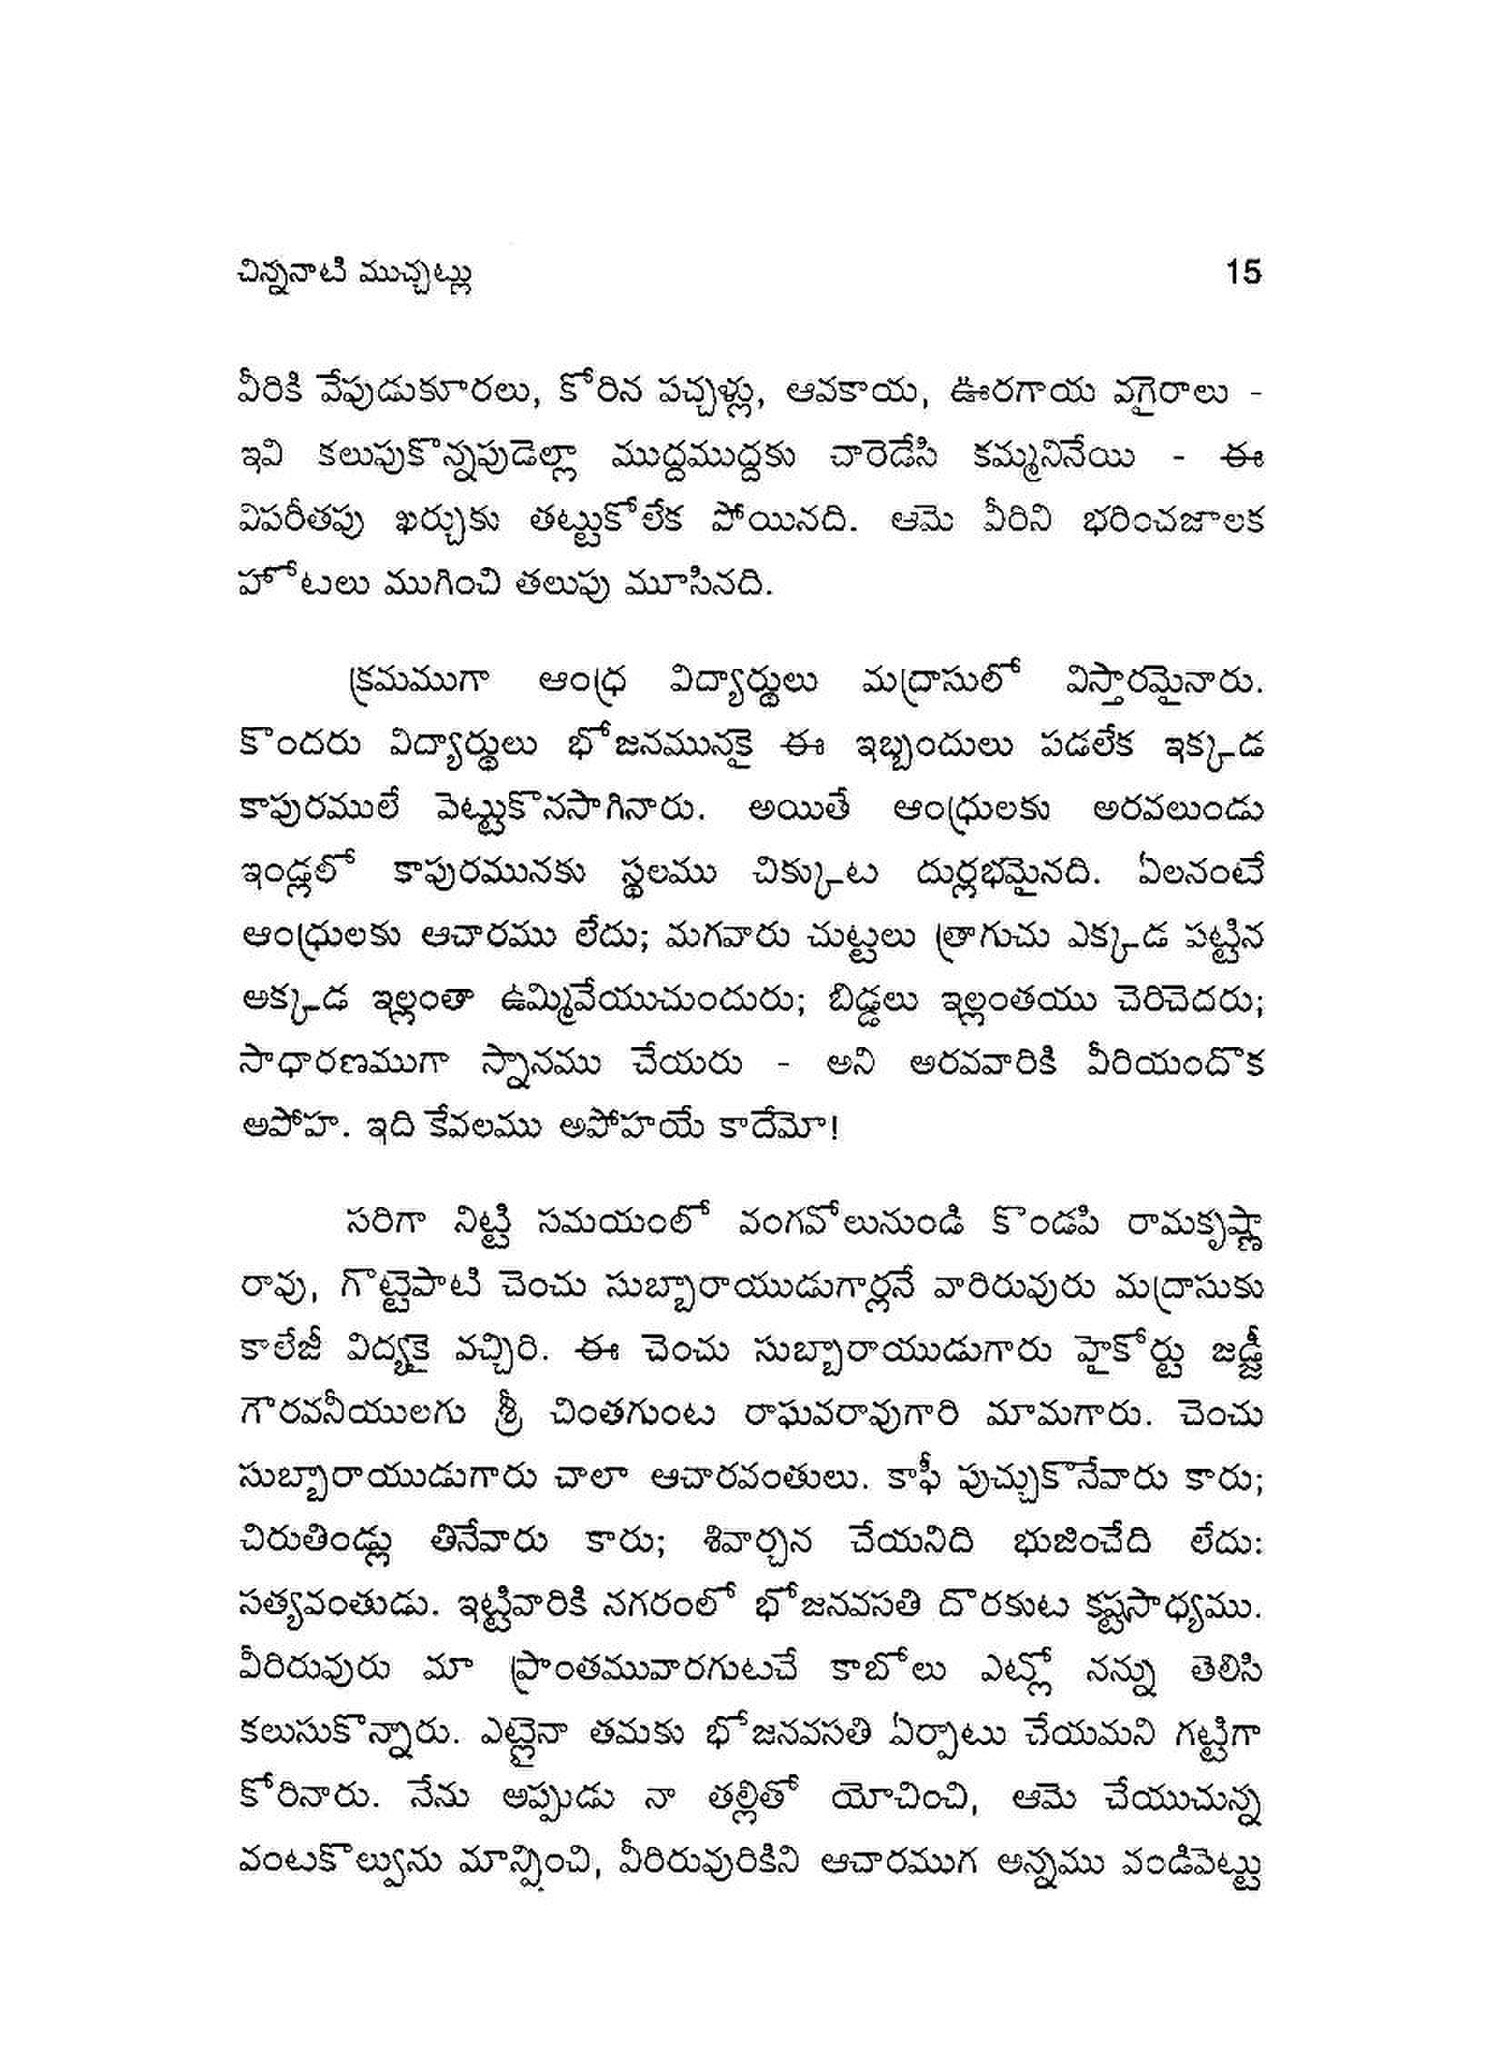వీరికి వేపుడుకూరలు, కోరిన పచ్చళ్లు, ఆవకాయ, ఊరగాయ వగైరాలు - ఇవి కలుపుకొన్నపుడెల్లా ముద్దముద్దకు చారెడేసి కమ్మనినేయి - ఈ విపరీతపు ఖర్చుకు తట్టుకోలేక పోయినది. ఆమె వీరిని భరించజాలక హోటలు ముగించి తలుపు మూసినది.

క్రమముగా ఆంధ్ర విద్యార్థులు మద్రాసులో విస్తారమైనారు. కొందరు విద్యార్థులు భోజనమునకై ఈ ఇబ్బందులు పడలేక ఇక్కడ కాపురములే పెట్టకొనసాగినారు. అయితే ఆంధ్రులకు అరవలుండు ఇండ్లలో కాపురమునకు స్థలము చిక్కుట దుర్లభమైనది. ఏలనంటే ఆంధ్రులకు ఆచారము లేదు; మగవారు చుట్టలు త్రాగుచు ఎక్కడ పట్టిన అక్కడ ఇల్లంతా ఉమ్మివేయుచుందురు; బిడ్డలు ఇల్లంతయు చెరిచెదరు; సాధారణముగా స్నానము చేయరు - అని అరవవారికి వీరియందొక అపోహ. ఇది కేవలము అపోహయే కాదేమో!

సరిగా నిట్టి సమయంలో వంగవోలునుండి కొండపి రామకృష్ణా రావు, గొట్టెపాటి చెంచు సుబ్బారాయుడుగార్లనే వారిరువురు మద్రాసుకు కాలేజీ విద్యకై వచ్చిరి. ఈ చెంచు సుబ్బారాయుడుగారు హైకోర్టు జడ్డీ గౌరవనీయులగు శ్రీ చింతగుంట రాఘవరావుగారి మామగారు. చెంచు సుబ్బారాయుడుగారు చాలా ఆచారవంతులు. కాఫీ పుచ్చుకొనేవారు కారు; చిరుతిండ్లు తినేవారు కారు; శివార్చన చేయనిది భుజించేది లేదు: సత్యవంతుడు. ఇట్టివారికి నగరంలో భోజనవసతి దొరకుట కష్టసాధ్యము. వీరిరువురు మా ప్రాంతమువారగుటచే కాబోలు ఎట్లో నన్ను తెలిసి కలుసుకొన్నారు. ఎట్లైనా తమకు భోజనవసతి ఏర్పాటు చేయమని గట్టిగా కోరినారు. నేను అప్పడు నా తల్లితో యోచించి, ఆమె చేయుచున్న వంటకొల్వును మాన్పించి, వీరిరువురికిని ఆచారముగ అన్నము వండిపెట్టు